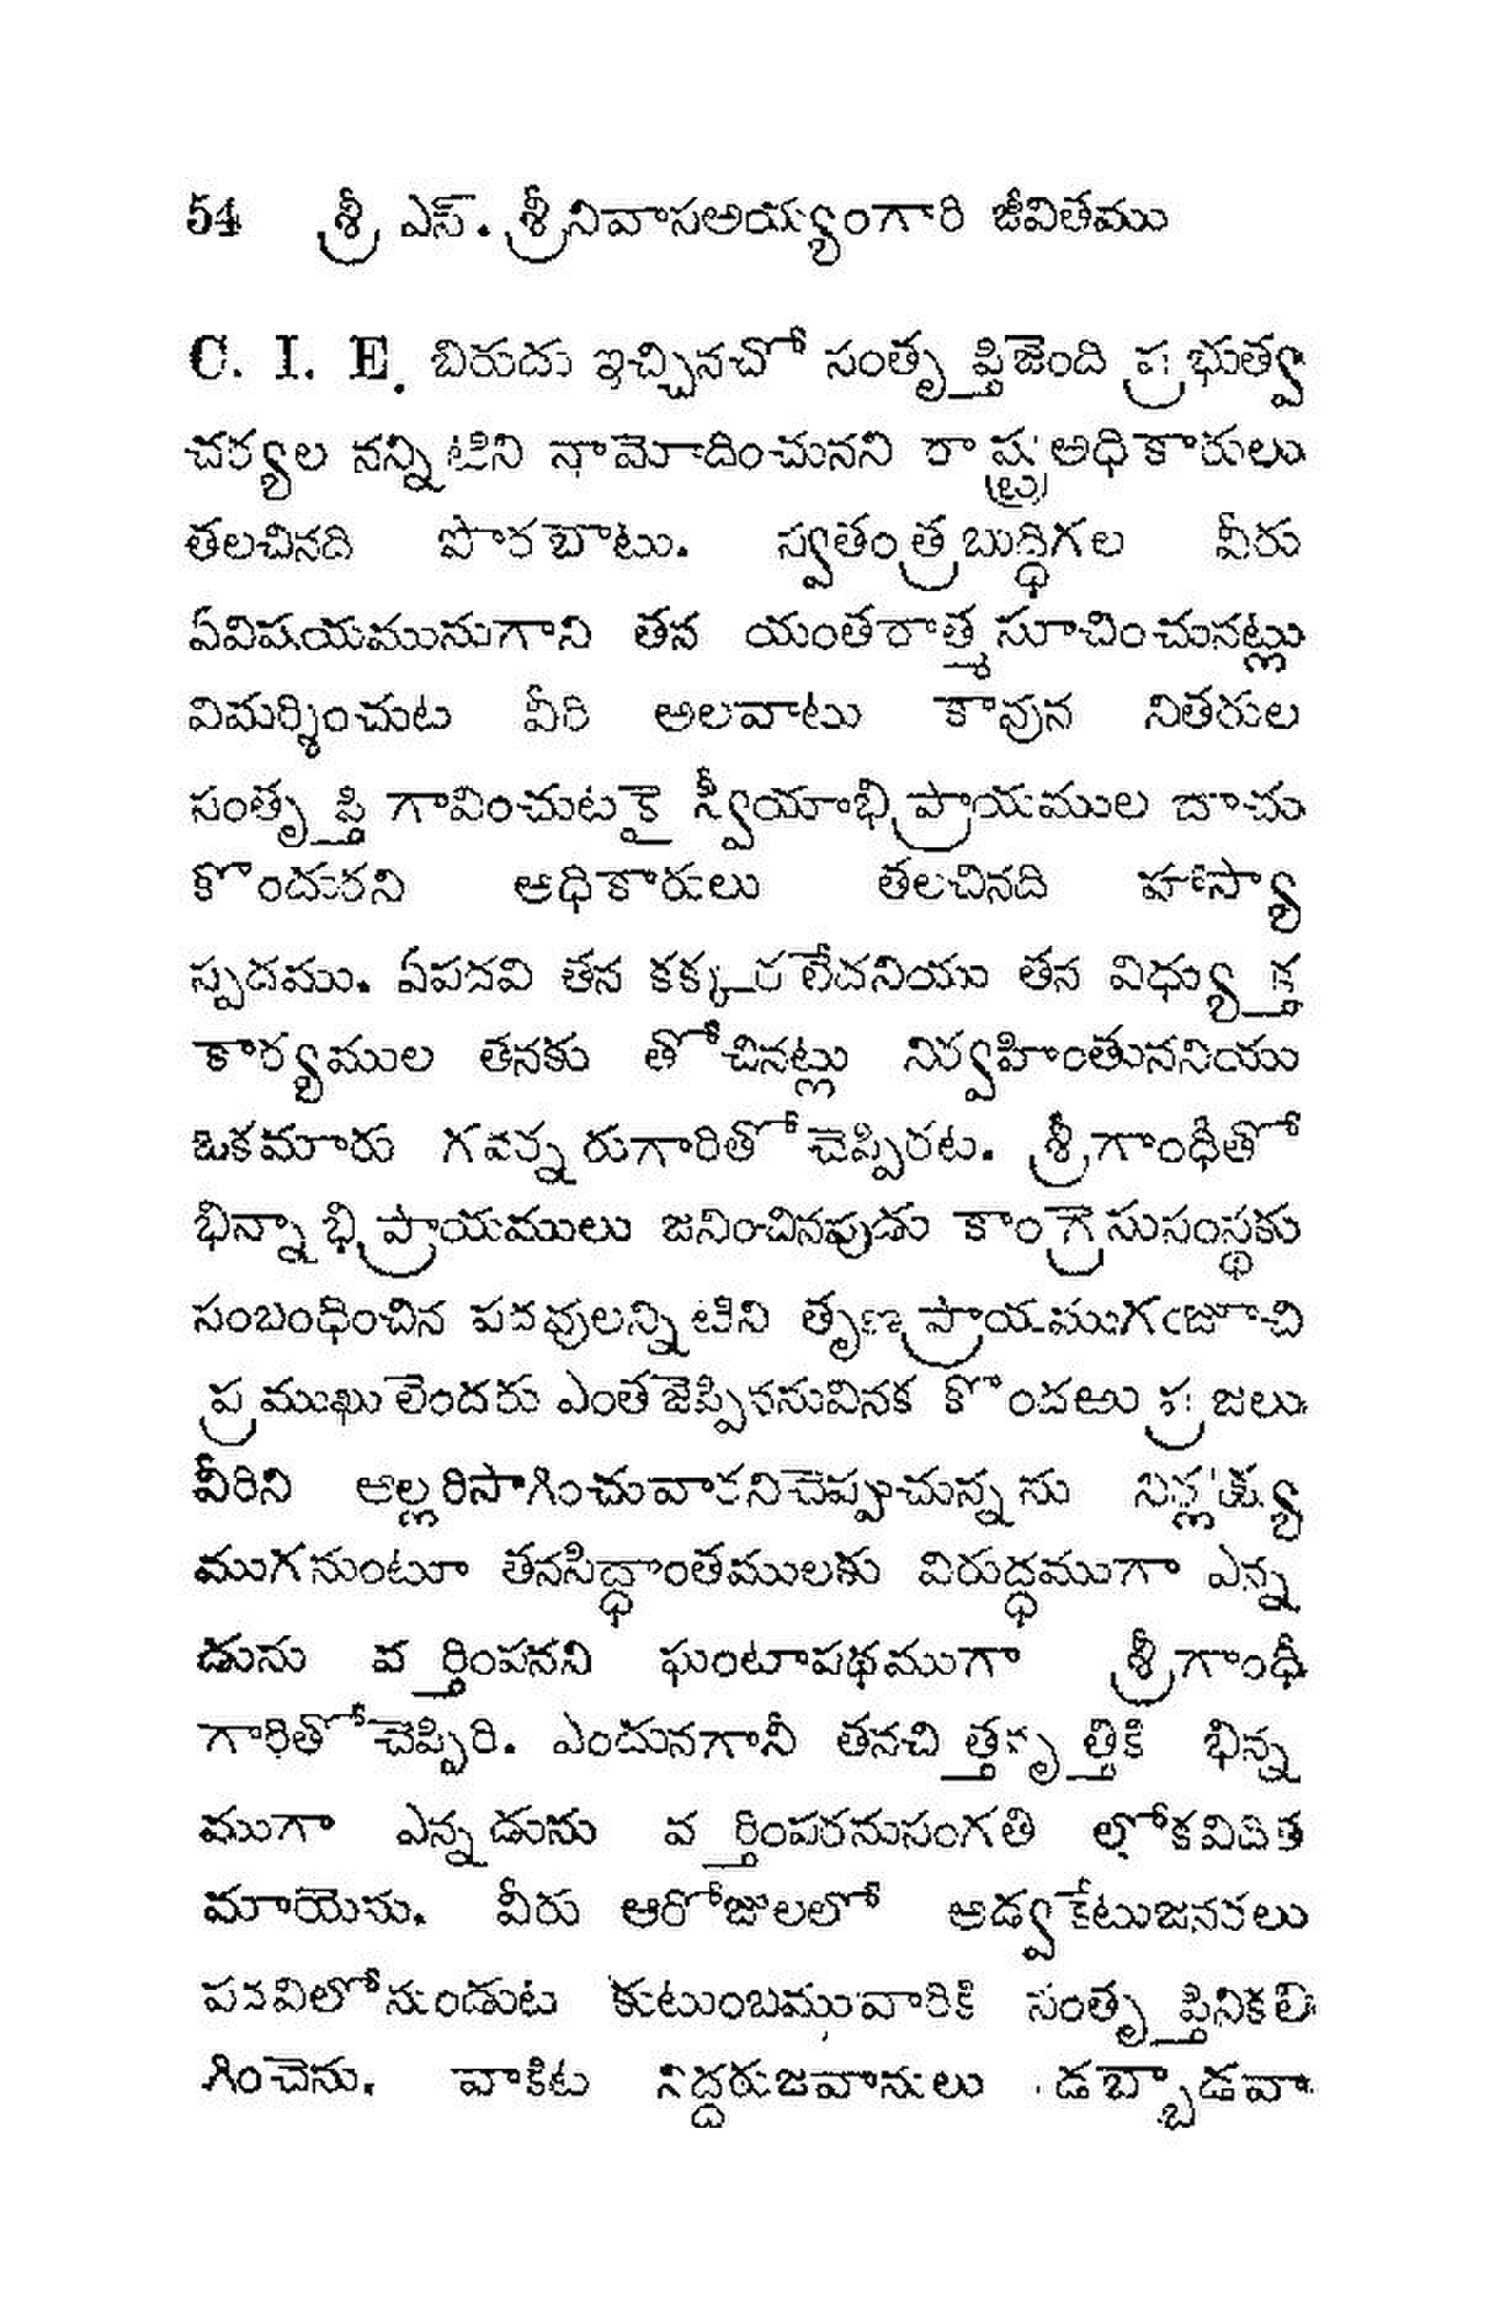C. I. E. బిరుదు ఇచ్చినచో సంతృప్తిజెంది ప్రభుత్వ చర్యల నన్నిటిని నామోదించునని రాష్ట్రఅధికారులు తలచినది పొరబాటు. స్వతంత్రబుద్దిగల వీరు ఏవిషయమునుగాని తన యంతరాత్మసూచించునట్లు విమర్శించుట వీరి అలవాటు కావున నితరుల సంతృప్తి గావించుటకై స్వీయాభిప్రాయముల దాచుకొందురని అధికారులు తలచినది హాస్యాస్పదము. ఏపదవి తన కక్కరలేదనియు తన విధ్యుక్త కార్యముల తనకు తోచినట్లు నిర్వహింతుననియు ఒకమారు గవర్నరుగారితోచెప్పిరట. శ్రీగాంధీతో భిన్నాభిప్రాయములు జనించినపుడు కాంగ్రెసుసంస్థకు సంబంధించిన పదవులన్నిటిని తృణప్రాయముగఁజూచి ప్రముఖులెందరు ఎంతజెప్పిననువినక కొందఱు ప్రజలు వీరిని అల్లరిసాగించువారని చెప్పుచున్నను నిర్లక్ష్యముగనుంటూ తనసిద్దాంతములకు విరుద్ధముగా ఎన్నడును వర్తింపనని ఘంటాపథముగా శ్రీగాంధీగారితోచెప్పిరి. ఎందునగానీ తనచిత్తవృత్తికి భిన్నముగా ఎన్నడును వర్తింపరనుసంగతి లోకవిదిత మాయెను. వీరు ఆరోజులలో అడ్వకేటుజనరలు పదవిలోనుండుట కుటుంబమువారికి సంతృప్తినికలిగించెను, వాకిట నిద్దరు జవానులు డబ్బాడవా